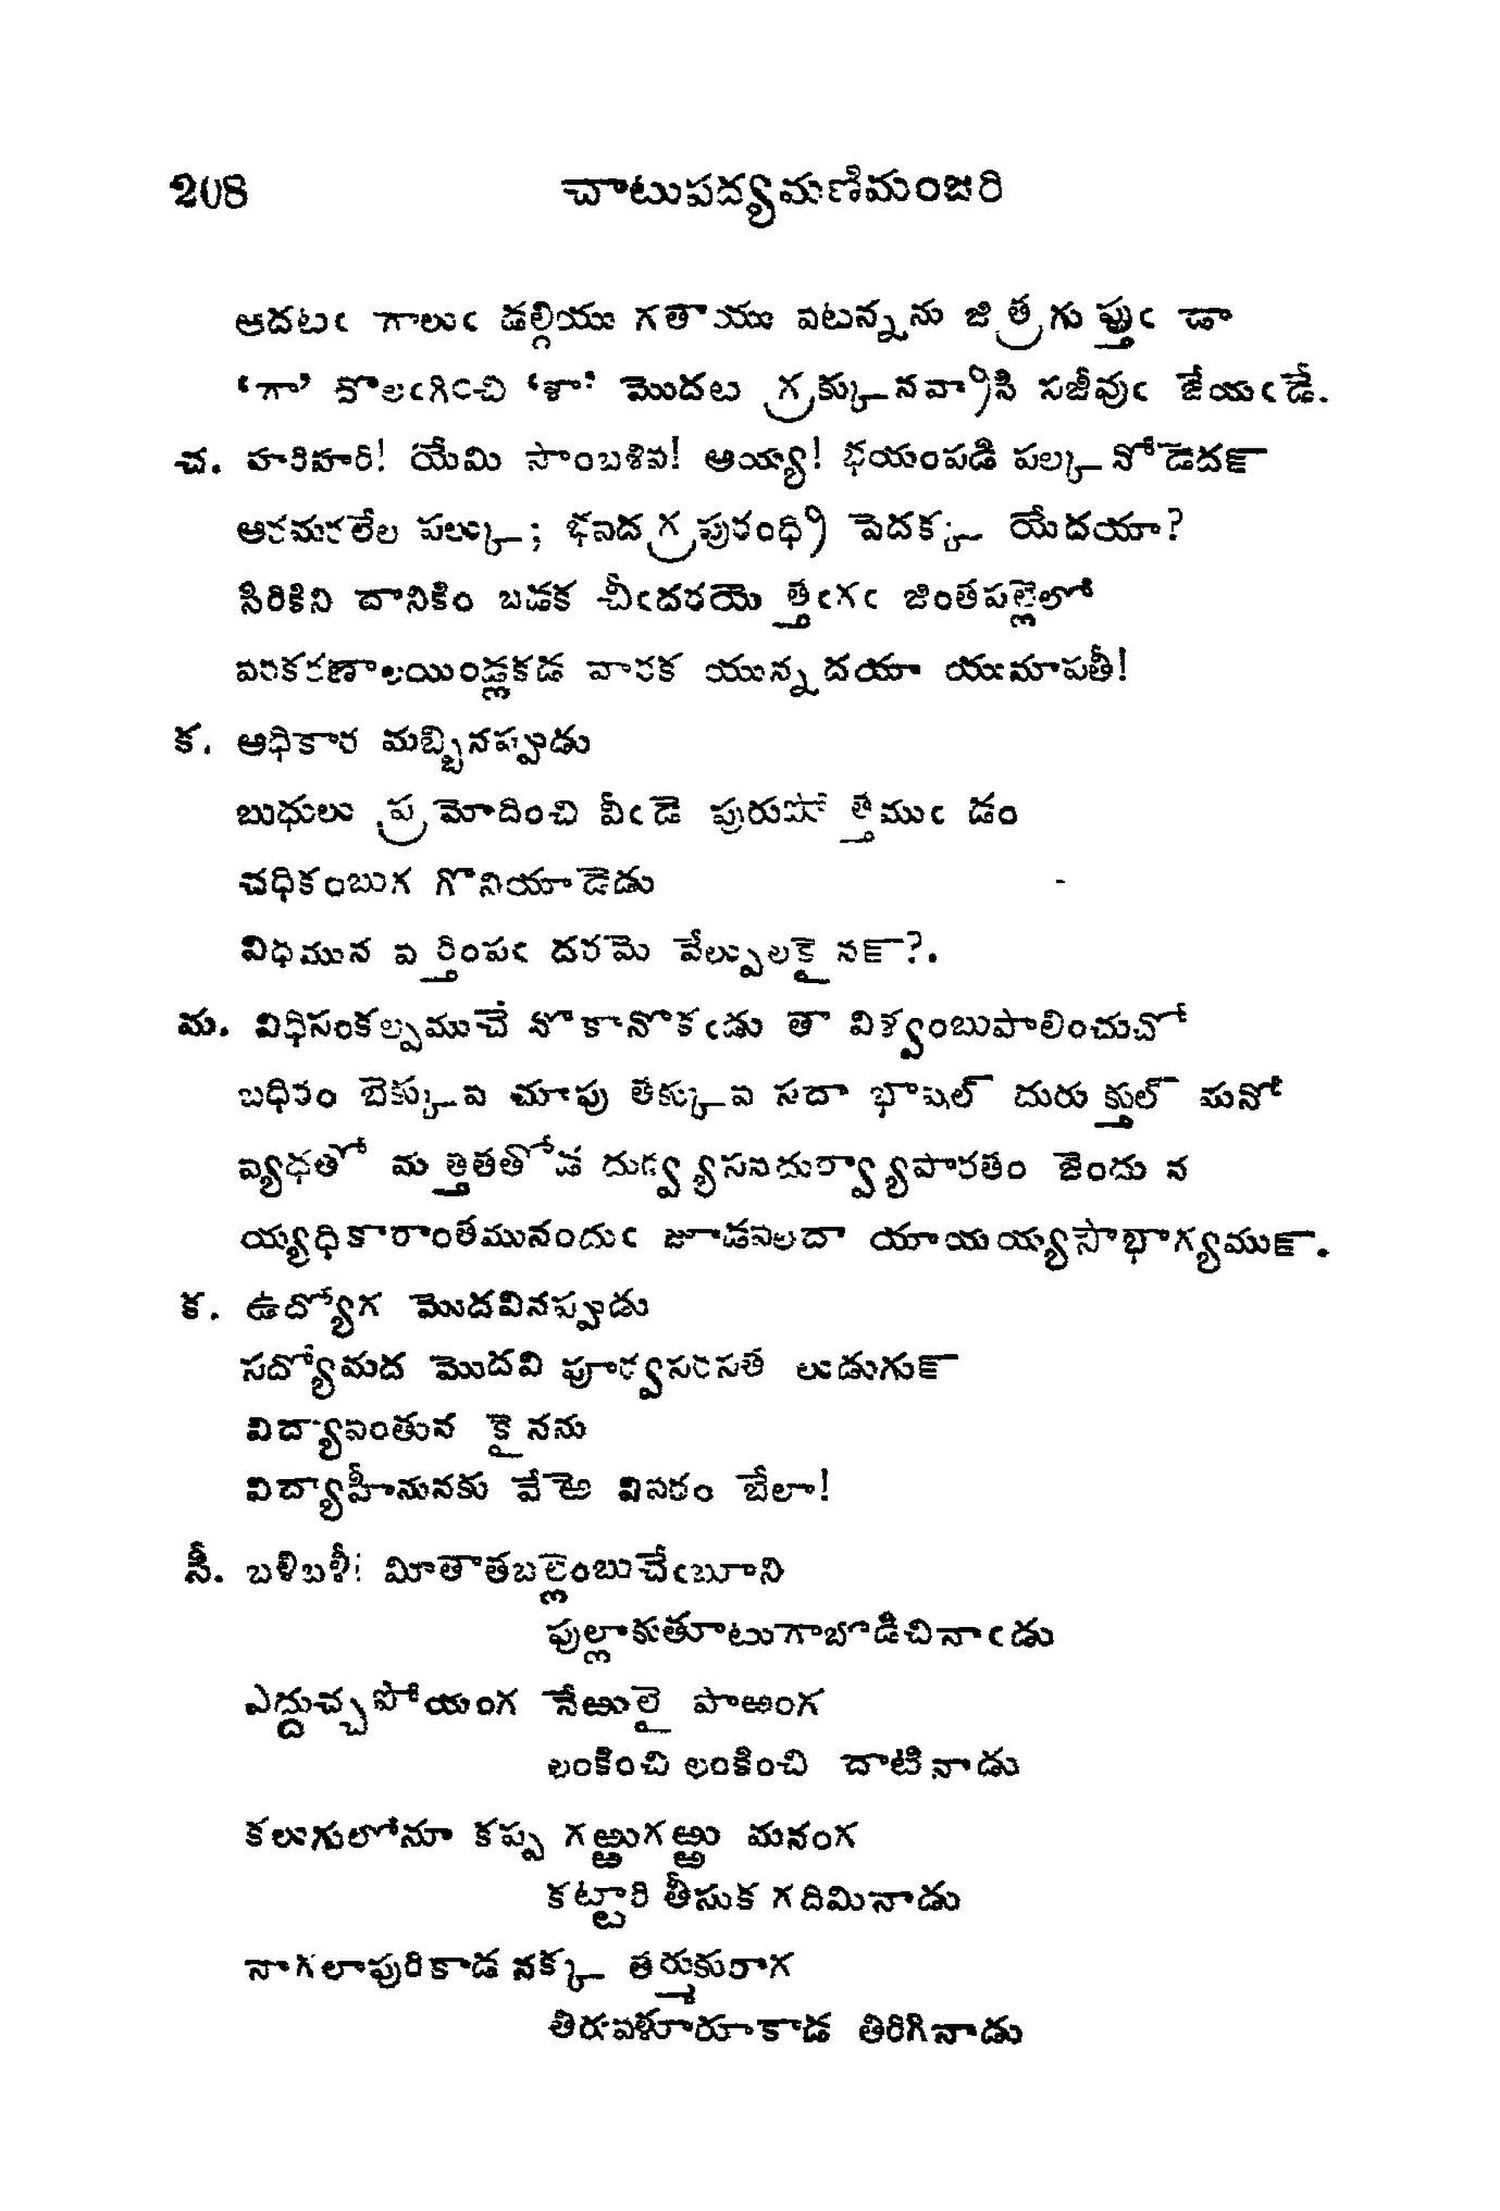ఆదటఁ గాలుఁ డల్గియు గతాయు వటన్నను జిత్రగుప్తుఁ డా
 ‘గా’ దొలగించి ‘శా’ మొదట గ్రక్కునవ్రాసి సజీవుఁ జేయఁడే.
చ. హరిహరి! యేమి సాంబశివ! అయ్య భయంపడి పల్కనోడెదన్
 అరమరలేల పల్కు భవదగ్రపురంధ్రి పెదక్క యేదయా
 సిరికిని దానికిం బడక చీఁదరయెత్తఁగఁ జింతపల్లెలో
 వరకరణాలయిండ్లకడ వారక యున్నదయా యుమాపతీ!
క. అధికార మబ్బినప్పుడు
 బుధులు ప్రమోదించి వీఁడె పురుషోత్తముఁ డం
 చధికంబుగ గొనియాడెడు
 విధమున వర్తింపఁ దరమె వేల్పులకైనన్?
మ. విధిసంకల్పముచే నొకానొకఁడు తా విశ్వంబు పాలించుచో
 బధిరం బెక్కువ చూపు తక్కువ సదా భాషల్ దురుక్తుల్ మనో
 వ్యధతో మత్తతతోడ దుర్వ్యసనదుర్వ్యాపారతం జెందు న
 య్యధికారాంతమునందుఁ జూడవలదా యాయయ్యసౌభాగ్యమున్.
క. ఉద్యోగ మొదవినప్పుడు
 సద్యోమద మొదవి పూర్వసరసత లుడుగున్
 విద్యావంతున కైనను
 విద్యాహీనునకు వేఱె వివరం బేలా!
సీ. బళిబళీ! మీతాత బల్లెంబు చేఁబూని
 పుల్లాకు తూటుగాఁ బొడిచినాఁడు
 ఎద్దుచ్చ పోయంగ నేఱులై పాఱంగ
 లంకించి లంకించి దాటినాఁడు
 కలుగలోనూ కప్ప గఱ్ఱుగఱ్ఱు మనంగ
 కట్టారి తీసుక గదిమినాఁడు
 నాగలాపురికాడ నక్క తర్ముకురాఁగ
 తిరువళూరూకాడ తిరిగినాఁడు